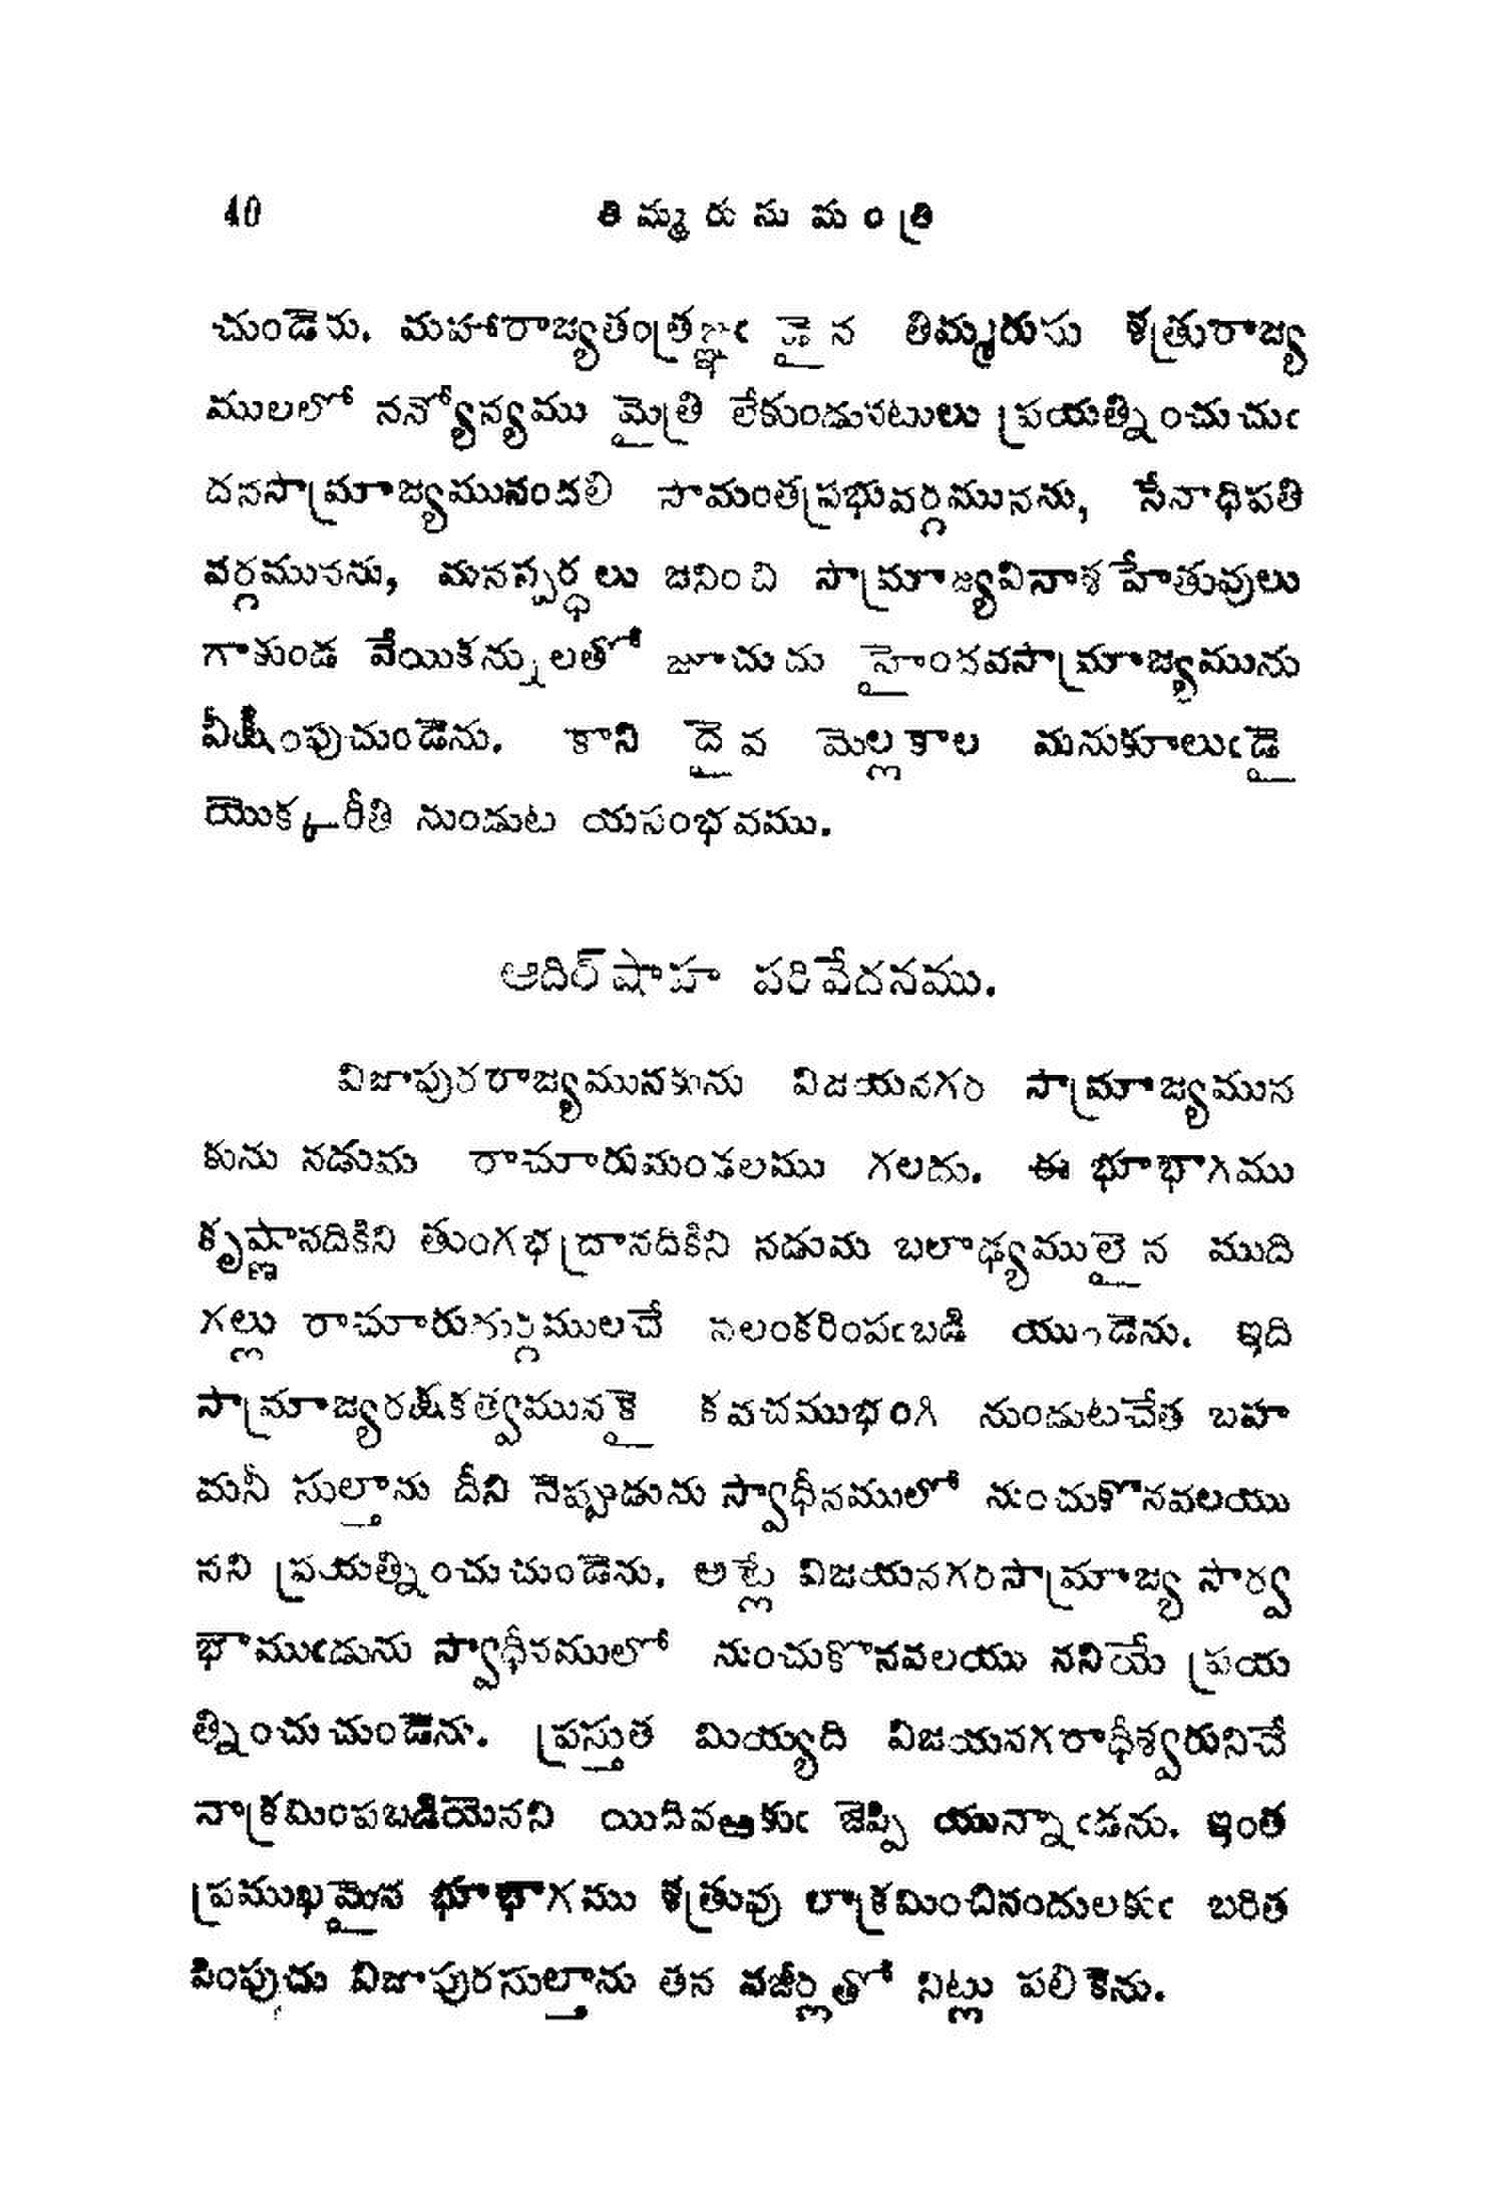చుండెను. మహారాజ్యతంత్రజ్ఞుఁడైన తిమ్మరుసు శత్రురాజ్యములలో నన్యోన్యము మైత్రి లేకుండునటులు ప్రయత్నించుచుఁ దనసామ్రాజ్యమునందలి సామంతప్రభువర్గమునను, సేనాధిపతి వర్గమునను, మనస్పర్ధలు జనించి సామ్రాజ్యవినాశహేతువులు గాకుండ వేయికన్నులతో జూచుచు హైందవసామ్రాజ్యమును వీక్షింపుచుండెను. కాని దైవ మెల్లకాల మనుకూలుఁడై యొక్కరీతి నుండుట యసంభవము. 

ఆదిల్‌షాహ పరివేదనము. 

విజాపురరాజ్యమునకును విజయనగర సామ్రాజ్యమునకును నడుమ రాచూరుమండలము గలదు. ఈ భూభాగము కృష్ణానదికిని తుంగభద్రానదికిని నడుమ బలాఢ్యములైన ముదిగల్లు రాచూరుదుర్గములచే నలంకరింపఁబడి యుండెను. ఇది సామ్రాజ్యరక్షకత్వమునకై కవచముభంగి నుండుటచేత బహమనీ సుల్తాను దీని నెప్పుడును స్వాధీనములో నుంచుకొనవలయునని ప్రయత్నించుచుండెను. అట్లే విజయనగరసామ్రాజ్య సార్వభౌముఁడును స్వాధీనములో నుంచుకొనవలయు ననియే ప్రయత్నించుచుండెను. ప్రస్తుత మియ్యది విజయనగరాధీశ్వరునిచే నాక్రమింపబడియెనని యిదివఱకుఁ జెప్పి యున్నాఁడను. ఇంత ప్రముఖమైన భూభాగము శత్రువు రాక్రమించినందులకుఁ బరితపింపుచు విజాపురసుల్తాను తన వజీర్లతో నిట్లు పలికెను.